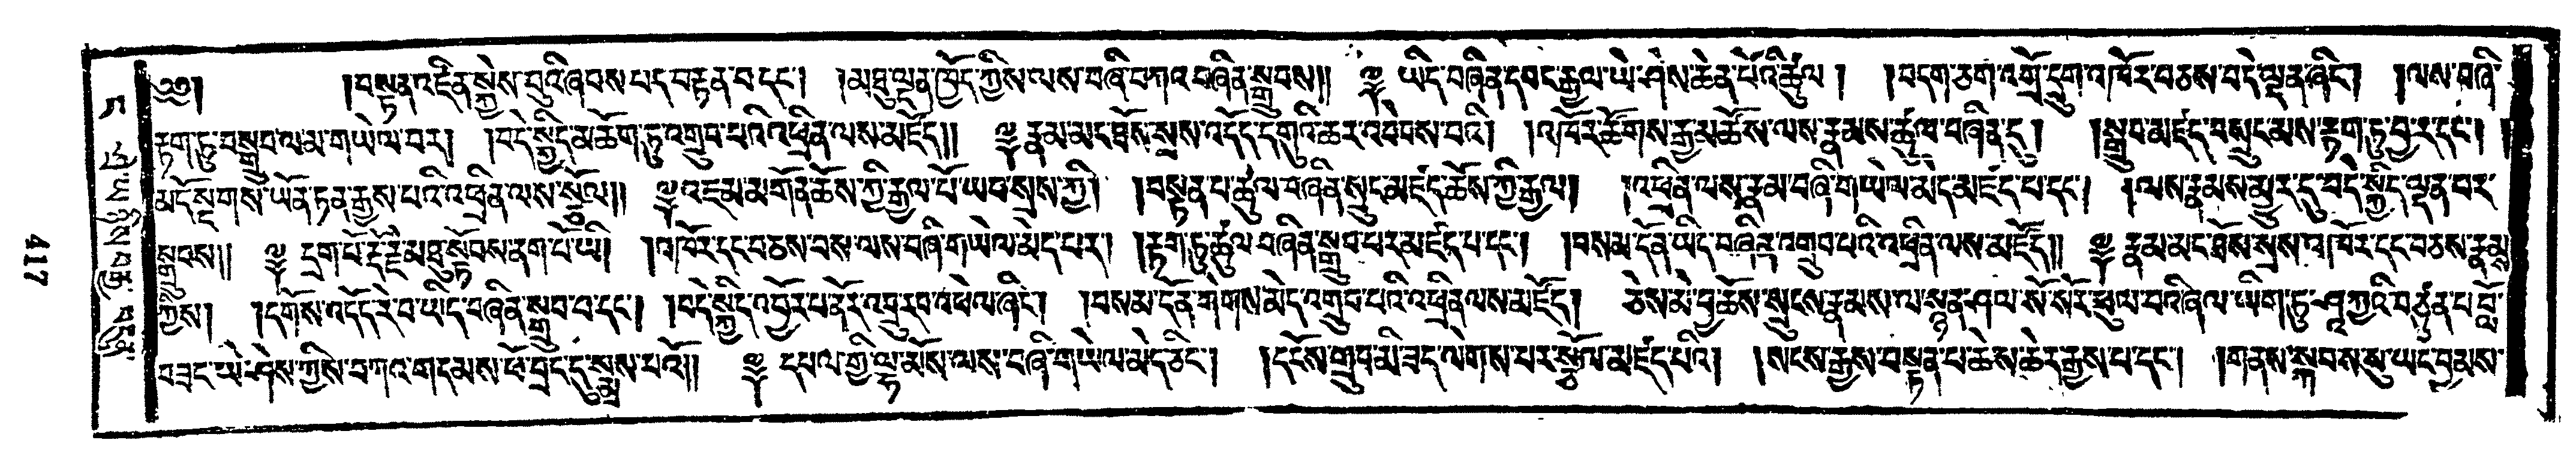༄༅། །བསྟན་འཛིན་སྐྱེས་བུའི་ཞབས་པད་བརྟན་བ་དང་། །མཐུ་ལྡན་ཁྱོད་ཀྱིས་ལས་བཞི་བཀའ་བཞིན་སྒྲུབས།། ༈ ཡིད་བཞིན་དབང་རྒྱལ་ཡེ་ཤེས་ཆེན་པོའི་ཚུལ། །བདག་ཅག་འགྲོ་དྲུག་འཁོར་བཅས་བདེ་ལྡན་ཞིང་། །ལས་བཞི་
རྟག་ཏུ་བསྒྲུབ་ལམ་གཡེལ་བར། །བདེ་སྐྱིད་མཆོག་ཏུ་འགྲུབ་པའི་འཕྲིན་ལས་མཛོད།། ༈ རྣམ་མང་ཐོས་སྲས་འདོད་དགུའི་ཆར་འབེབས་བའི། །འཁོར་ཚོགས་རྒྱ་མཚོས་ལས་རྣམས་ཚུལ་བཞིན་དུ། །སྒྲུབ་མཛད་བསྲུང་མས་རྟག་ཏུ་བྱ་ར་དང་། །
མདོ་སྔགས་ཡོན་ཏན་རྒྱས་པའི་འཕྲིན་ལས་སྩོལ།། ༈ འཇམ་མགོན་ཆོས་ཀྱི་རྒྱལ་པོ་ཡབ་སྲས་ཀྱི། །བསྟན་པ་ཚུལ་བཞིན་སྲུང་མཛད་ཆོས་ཀྱི་རྒྱལ། །འཕྲིན་ལས་རྣམ་བཞི་གཡེལ་མེད་མཛད་པ་དང་། །ལས་རྣམས་མྱུར་དུ་བདེ་སྐྱིད་ལྡན་བར་
སྒྲུབས།། ༈ དྲག་པོ་རྡོ་རྗེ་མཐུ་སྟོབས་ནག་པོ་ཡི། །འཁོར་དང་བཅས་བས་ལས་བཞི་གཡེལ་མེད་པར། །རྟག་ཏུ་ཚུལ་བཞིན་སྒྲུབ་པར་མཛད་པ་དང་། །བསམ་དོན་ཡིད་བཞིན་འགྲུབ་པའི་འཕྲིན་ལས་མཛོད།། ༈ རྣམ་མང་ཐོས་སྲས་འཁོར་དང་བཅས་རྣམས་
ཀྱིས། །དགོས་འདོད་རེ་བ་ཡིད་བཞིན་སྒྲུབ་བ་དང་། །བདེ་སྐྱིད་འབྱོར་པ་ནོར་འབྲུ་རབ་འཕེལ་ཞིང་། །བསམ་དོན་གེགས་མེད་འགྲུབ་པའི་འཕྲིན་ལས་མཛོད། ཅེས་མེ་བྱ་ཆོས་སྲུངས་རྣམས་ལ་སྙན་ཤལ་སོ་སོར་ཕུལ་བའི་ཞལ་ཡིག་ཏུ་ཤཱཀྱའི་བཙུན་པ་བློ་
བཟང་ཡེ་ཤེས་ཀྱིས་བཀའ་གདམས་ཕོ་བྲང་དུ་སྨྲས་པའོ།། ༈ དཔལ་གྱི་ལྷ་མོས་ལས་བཞི་གཡེལ་མེད་ཅིང་། །དངོས་གྲུབ་མི་ཟད་ལེགས་པར་སྩོལ་མཛད་པའི། །སངས་རྒྱས་བསྟན་པ་ཆེས་ཆེར་རྒྱས་པ་དང་། །གནས་སྐབས་སུ་ཡང་བྱམས་